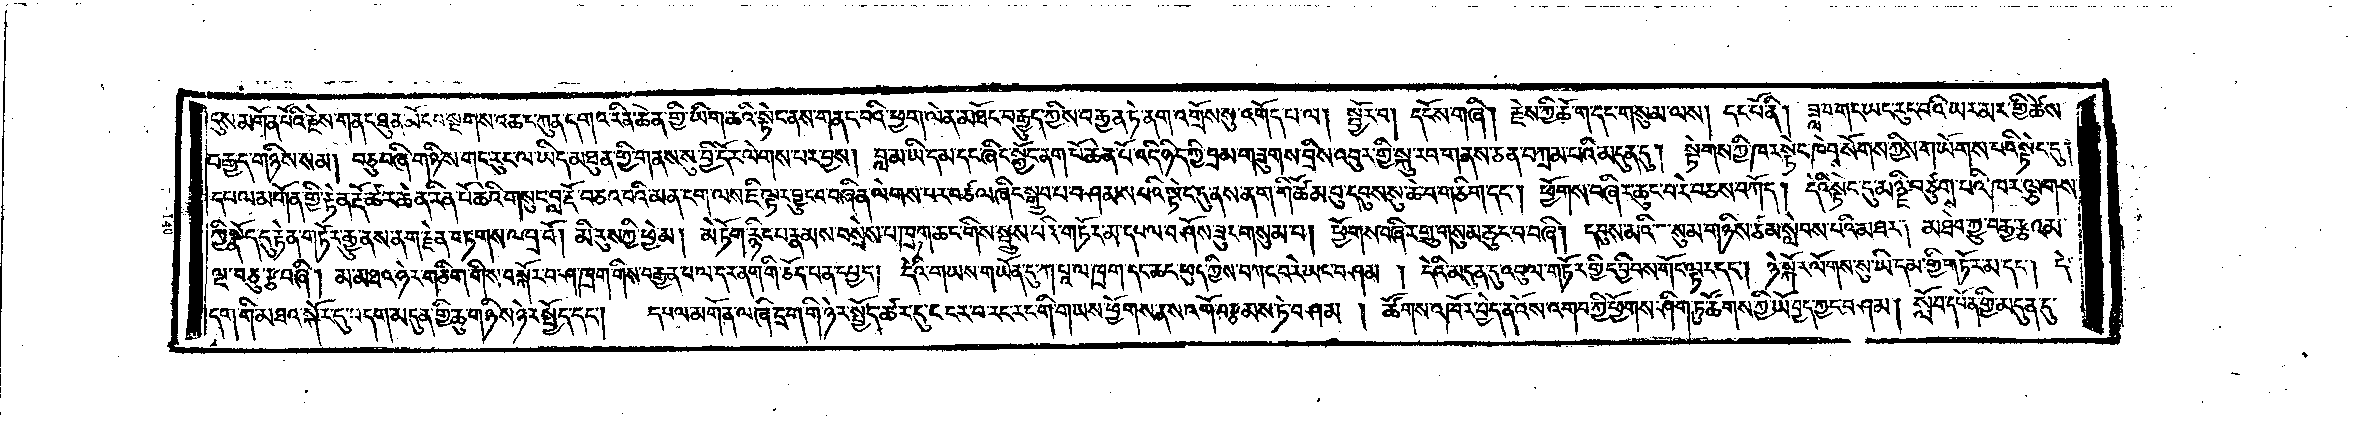དུས་མགོན་པོའི་རྗེས་གནང་ཐུན་མོང་བསྔགས་འཆང་ཀུན་དགའ་རིན་ཆེན་གྱི་ཡིག་ཆའི་སྟེང་ནས་གནང་བའི་ཕྱག་ལེན་མཐོང་བརྒྱུད་ཀྱིས་བ་རྒྱན་ཏེ་ནག་འཕྲོས་སུ་འགོད་པ་ལ། སྦྱོར་བ། དངོས་གཞི། རྗེས་ཀྱི་ཆོ་ག་དང་གསུམ་ལས། དང་པོ་ནི། ཟླ་བ་གང་ཡང་རུང་བའི་ཡར་མར་གྱི་ཚེས་
བརྒྱད་གཉིས་སམ། བཅུ་བཞི་གཉིས་གང་རུང་ལ་ཡིད་མཐུན་གྱི་གནས་སུ་བྱི་དོར་ལེགས་པར་བྱས། བླ་མ་ཡི་དམ་དང་ཞིང་སྐྱོང་ནག་པོ་ཆེན་པོ་འདི་ཉིད་ཀྱི་བྲམ་གཟུགས་བྲིས་འཕུར་གྱི་སྐུ་རབ་གནས་ཅན་བཀྲམ་པའི་མདུན་དུ། སྟེགས་ཀྱི་ཁར་སྟེང་ཁེབས་སོགས་ཀྱིས་གཡོགས་པའི་སྟེང་དུ།
དཔལ་མགོན་གྱི་རྟེན་རྡོ་ཚར་ཆེན་རིན་པོ་ཆེའི་གསུང་བླ་རྡོ་བཅའ་བའི་མན་ངག་ལས་ཇི་ལྟར་བྱུང་བ་བཞིན་ལེགས་པར་བཙལ་ཞིང་སྒྲུབ་ཕ་བཤམས་པའི་སྟེང་དུ་ནས་ནག་གི་ཚོམ་བུ་དཔུས་སུ་ཆེ་བ་གཅིག་དང་། ཕྱོགས་བཞིར་ཆུང་བ་རེ་བཅས་བཀོད། དེའི་སྟེང་དུ་མནྫི་བཙུགས་པའི་ཁར་ལྕགས་
ཀྱི་སྣོད་དུ་རྟེན་གཏོར་རྒྱུ་ནས་ནག་རྗེན་བཏགས་ལ་བྲ་བོ། །མི་རུས་ཀྱི་ཕྱེ་མ། མེ་ཏོག་རྙིང་པ་རྣམས་བསྲེས་པ་ཁྲག་ཆང་གིས་སྦྲུས་པའི་གཏོར་མ་དཔལ་བཤོས་ཟུར་གསུམ་པ། ཕྱོགས་བཞིར་གྲུ་གསུམ་ཆུང་བ་བཞི། དབུས་མའི་སུམ་གཉིས་ཙམ་སླེབས་པའི་མཐར། མཐེབ་ཀྱུ་བརྒྱ་རྩའམ་
ལྔ་བཅུ་རྩ་བཞི། མ་མཐའ་ཉེར་གཅིག་གིས་བསྐོར་བ་ཤ་ཁྲག་གིས་བརྒྱན་པ་ལ་དར་ནག་གི་ཅོད་པན་དཔྱང་། དེའི་གཡས་གཡོན་དུ་ཀ་པཱ་ཡ་ཁྲག་དང་ཆང་ཕུད་ཀྱིས་བཀང་བ་རེ་ཡང་བཤམ། དེའི་མདུན་དུ་འབུལ་གཏོར་གྱི་དབྱིབས་གོང་ལྟར་དང་། ཉེ་སྐོར་ལོགས་སུ་ཡི་དམ་གྱི་གཏོར་མ་དང་། དེ་
དག་གི་མཐའ་སྐོར་དུ་བདག་མདུན་གྱི་ཆུ་གཉིས་ཉེར་སྤྱོད་དང་། དཔལ་མགོན་ལ་ཞི་དྲག་གི་ཉེར་སྤྱོད་ཚར་དུ་དངར་བ་རང་རང་གི་གཡས་ཕྱོགས་ནས་འགོ་བརྩམས་ཏེ་བཤམ་།ཚོགས་འཁོར་བྱེད་ན་འོས་འགབ་ཀྱི་ཕྱོགས་ཤིག་ཏུ་ཚོགས་ཀྱི་ཡོ་བྱད་ཀྱང་བཤམ། སློབ་དཔོན་གྱི་མདུན་དུ་